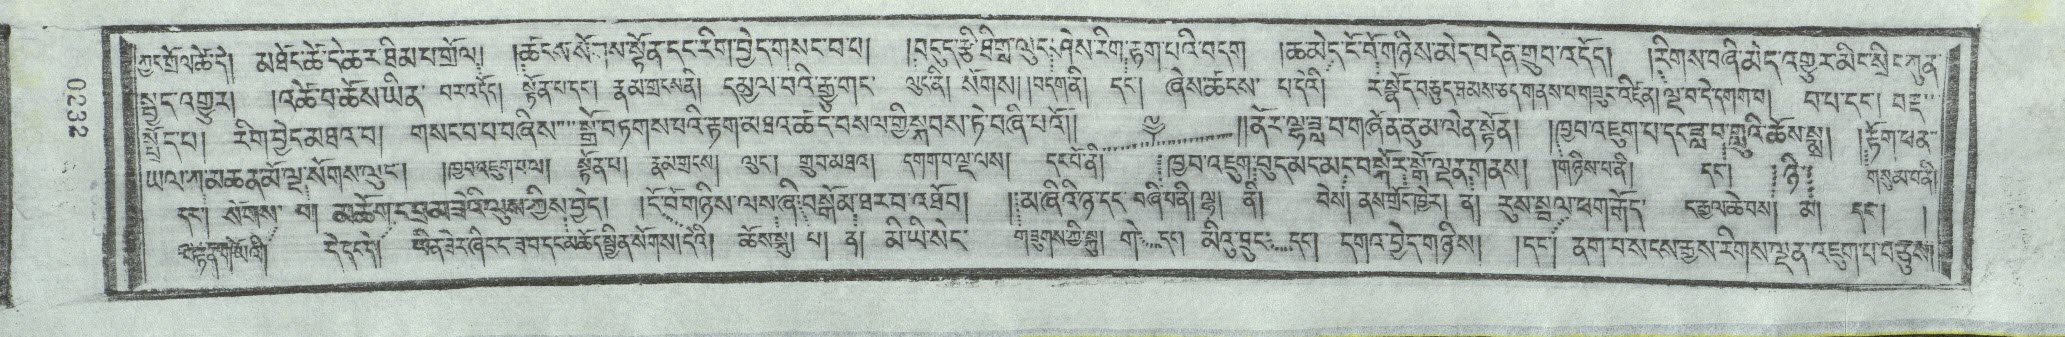ཀྱང་གྲོལ་ཚེ་དེ། མཐོང་ཚེ་དེ་ཆར་ཐིམ་པ་གྲོལ། །ཚངས་སོགས་སྟོན་དང་རིག་བྱེད་གསང་བ་པ། །བདུད་རྩི་ཐིགས་ལུང་ཤེས་རིག་རྟག་པའི་བདག །ཆ་མེད་ངོ་གོ་གཉིས་མེད་བདེན་གྲུབ་འདོད། །རིགས་བཞི་མེད་འགྱུར་མིང་སྲིད་ཀུན་
སྦྱང་འགྱུར། །འཚེ་བ་ཆོས་ཡིན་པར་འདོད། སྟོན་པ་དང་། རྣམ་གྲངས་ནི། དམྱལ་བའི་རྒྱུ་གང་ལུང་ནི། སོགས། །བདག་ནི། དང་། ཞེས་ཚངས་པ་དེའི། ར་སྣོད་བཅུད་ཐམས་ཅད་གནས་པ་གཟུང་འཛིན། ལྔ་བདེ་དག་པ། བབ་དག་བརྡ་
སྤྲོད་པ། རིག་བྱེད་མཐའ་བ། གསང་བ་བཞིས་སྒྲོ་བཏགས་བའི་རྟག་མཐའ་ཚང་བསལ་གྱི་སྐབས་ཏེ་བཞི་བའོ།། ༈ །།ནོར་ལྷ་ཟླ་བ་གཞོན་ནུ་མ་ལེན་སྟོན། །ཁྱབ་འཇུག་པ་དང་ཟླ་བ་གླུའི་ཆོས་སྨྲ། །ཇོ་ཕན་
ཡལ་ཀ་མཆན་མོ་ལྷ་སོགས་ལུང་། ཁྱབ་འཇུག་བ་ལ། སྟོན་པ། རྣམ་གྲང་། ལུང་། གྲུབ་མཐའ་དགག་པ་ལྔ་བས། དང་པོ་ནི། ཁྱབ་འཇུག་བུང་མང་མང་བསྐོར་སྒོ་ལྡན་གནས། གཉིས་བ་ནི། དང་། ཉི་གསུམ་བ་ནི་
དང་། སོགས་བ། མཆོག་ང་བྲམ་ཟེའི་ལུས་ཀྱིས་བྱེད། །དོ་བོ་གཉིས་ལས་ཞི་བསྒོམ་ཐར་བ་འཐོབ། །མ་ཞིའི་ཉ་དང་བཞི་བ་ནི། ལྷ། ནི། བེས་ནས་གྲོང་ཁྱེར། ན། རུས་སྤལ་ཕག་རྒོད་ང་རྒྱལ་ཆེབས། མ། དང་། །
བརྟན་གཡོ་དེ་དང་དེ། ཡིན་ཟེར་ཞིང་ང་ཟབ་དང་མཆོད་སྦྱིན་སོགས་དེའི། ཆོས་སྐུ། པ། མི་ཡི་སེང་གཟུགས་ཀྱི་སྐུ། གེ་དང་། མིའུ་བྲུང་དང་། དགའ་བྱེད་གཉིས། །དང་། ནག་བསངས་རྒྱས་རིགས་ལྡན་འཇུག་པ་བཅུས།